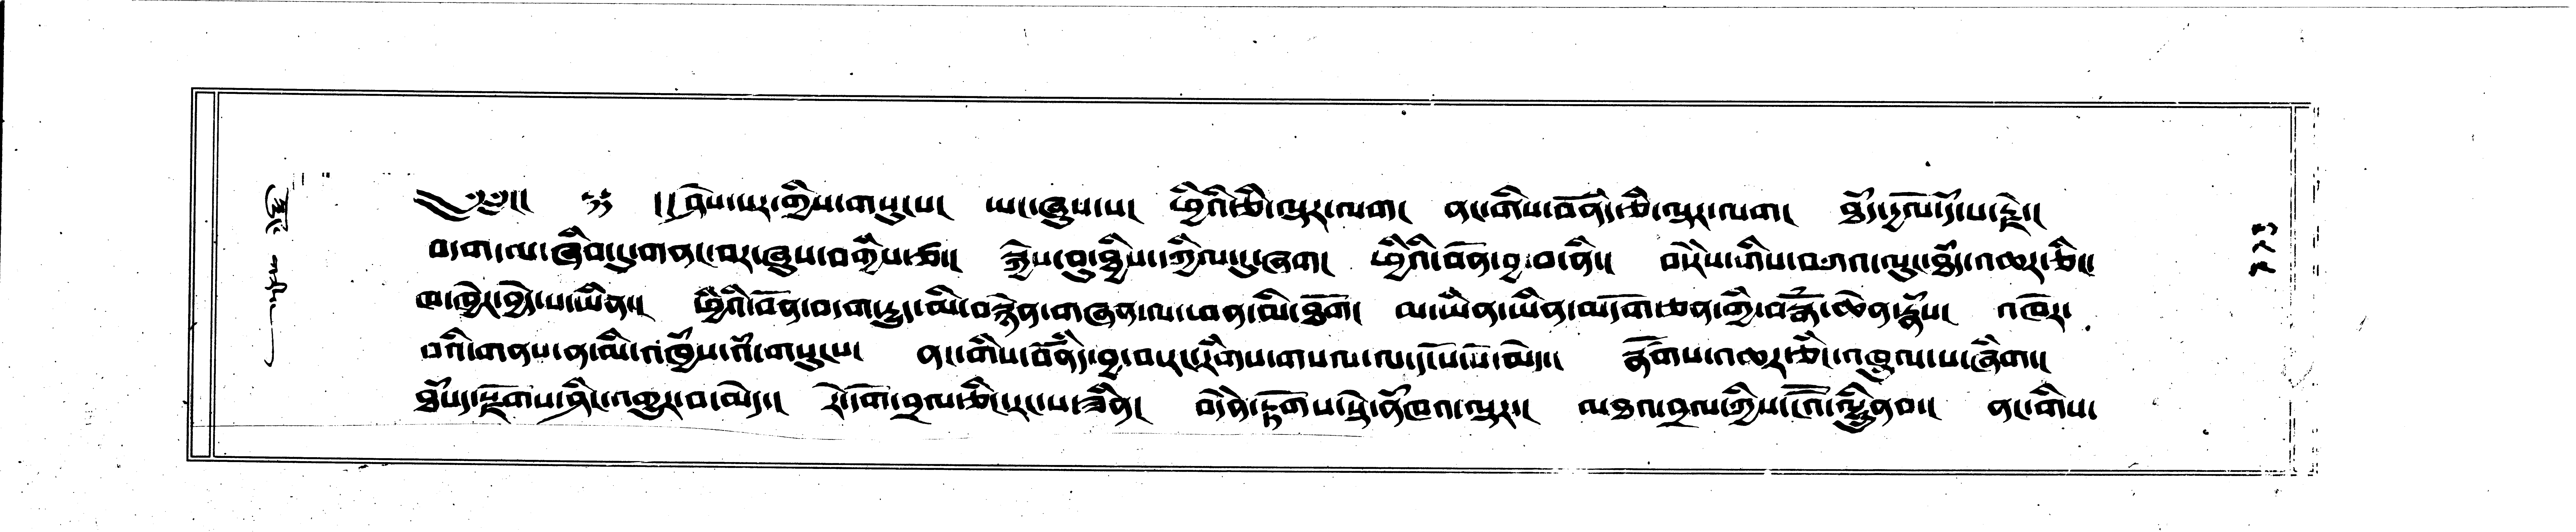ཤེས་པར་གྱིས་གསུངས། ཡང་ཞུས་པ། ཕྱི་ཡི་ཅི་ལྟར་ལགས། ནང་གི་བོན་ཉིད་ཅི་ལྟར་ལགས། ཐམས་ཅད་རྒྱལ་པོ་དམ་པ་རྗེ། 
བདག་ལ་ཞིབ་དུ་གནང་བར་ཞུ་བགྱིས་ཙ། སྐྱེས་བུ་ཐུགས་ཀྱི་དཀྱིལ་དུ་ཞོག ཕྱིའི་བོན་བྱ་བ་ནི། བདེར་གཤེགས་ཀྱི་བཀའ་ལུང་ཐམས་ཅད་འཆར་ཞིང་
ཁ་འཁྱེར་བྱེད་པ་ཡིན། ཕྱིའི་བོན་བདག་རྒྱུད་མི་བསྙེན་གཞན་ལ་ཕན་མི་ཐོགས། མ་ཡིན་ཡིན་མདོག་ཅན་གྱི་སྒོམ་ཆེན་རྣམས། འཁོར་
བའི་གནས་ན་མི་འཁྱམས་སམ་གསུངས། ནང་གི་བོན་ཉིད་བྱ་བ་རང་རིག་གསལ་ལ་དངོས་པོ་མེད། སྣ་ཚོགས་འཆར་ཞིང་འཁྲུལ་པ་ཞིག 
།ཐམས་ཅད་རྫོགས་ཤིང་འགྱུར་བ་མེད། །རེ་དོགས་བྲལ་ཅིང་རང་ས་ཟིན། །བདེ་ཆེན་རྟོགས་ཏེ་ནམ་མཁའ་ལྟར། །མཐའ་བྲལ་གྱི་ངོའོ་ལྷུན་གྱིས་གྲུབ། །ནང་གི་